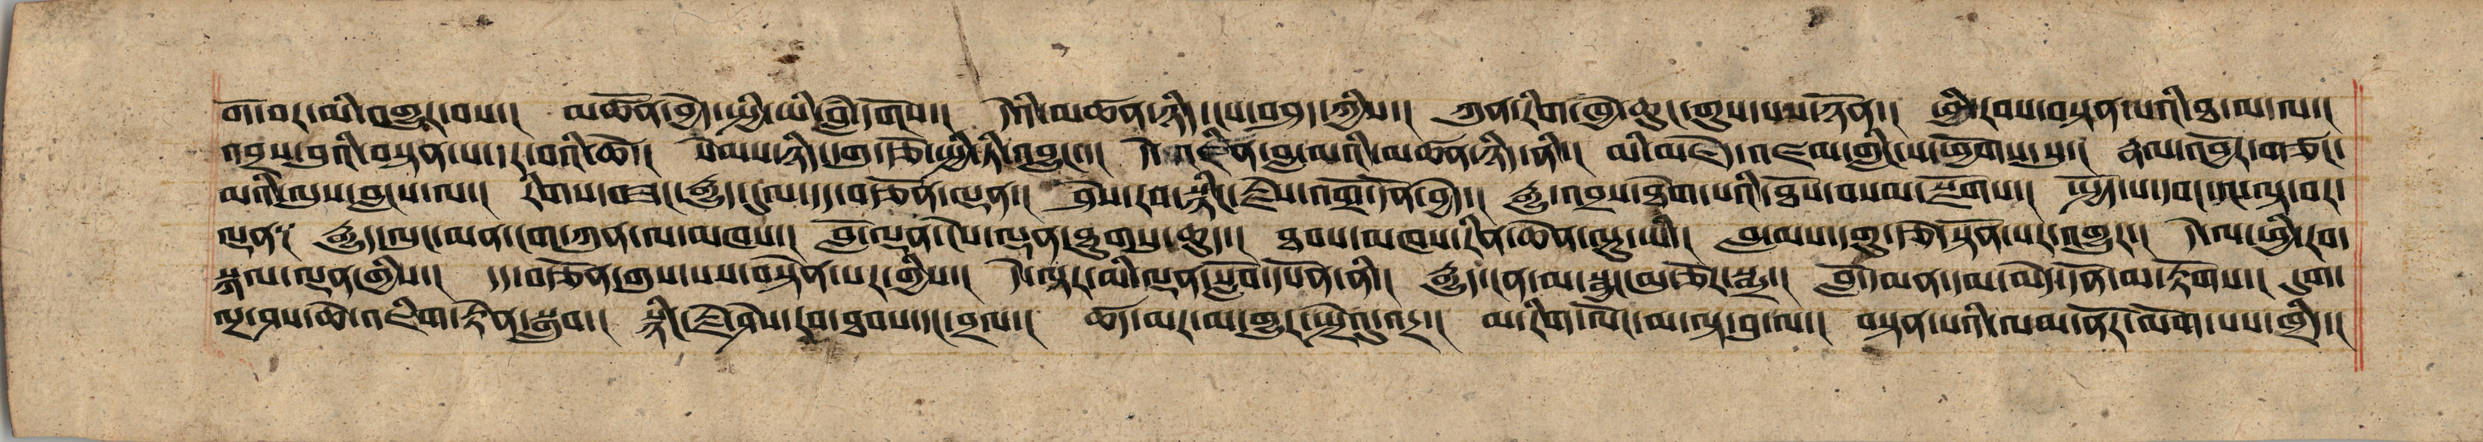གོ་བར་མི་འགྱུར་བས་། མཚོན་བྱེད་སྤྱི་ཡི་བླཾ་དགོངས་། དེའི་མཚན་ཉིད་ངས་བཤད་ཀྱིས་། ཀུན་རིག་ཁྱེ་ཆུང་གུས་པས་ཉོན་། ཕྱི་རབས་བསྟན་པའི་ཐ་མ་ལ་།
འབྲས་བུའི་བསྟན་པ་དར་བའི་ཚེ་། སེམས་ཉིད་དགུ་རྩེ་སྤྱི་ཏི་འབྱུང་་། དེ་འཛིན་བླ་མའི་མཚན་ཉིད་ནི་། མི་མཇེད་འཛམ་གླིང་ས་ཕྱོགས་སུ་། རྣལ་འབྱོར་གཙང་
མའི་ལུས་བླངས་ལ་། རིགས་བཟང་རྒྱུད་དུལ་དད་བརྩོན་ལྡན་། ཤེས་རབ་སྙིང་རྗེས་འགྲོ་དོན་བྱེད་། རྒྱུ་འབྲས་ཐེག་པའི་ཐོས་བསམ་སྫོགས་། སྤྱོད་པ་དབང་དང་ལྟ་བར་
ལྡན༑ རྒྱུད་ལུང་མག་ངག་ཀུན་ལ་མཁས་། བློ་ལྡན་ངེས་ལྡན་ཐུགསུ་ཆུད་། ཐབས་མཁས་རིན་ཆེན་ལྟུ་ཡི་། བླ་མས་དགུ་རྩེ་སྟོན་པར་འགྱུར་། དེ་ལ་ཕྱི་རབ་
སྐལ་ལྡན་གྱིས་། དད་བརྩོན་གུས་པས་བསྟེན་པར་གྱིས་། དེ་ལྟར་མི་ལྡན་སློབ་དཔོན་ནི་། རྒྱུད་ངན་མ་སྦྱང་མུ་ཅོར་སྨྲ་། བློ་དམན་དམ་མེད་དོན་མ་རྟོགས་། དུག་
ལྔ་ཤས་ཆེ་འཇིག་རྟེན་སྒྲུབ་། སྙིང་རྗེ་ཤེས་རབ་ཐབས་དང་བྲལ་། ཚད་མར་མ་གྱུར་སྤྲེའུ་འདྲ་། མ་རིག་ལོང་མ་ལྟ་བུ་ལ་། བསྟན་པའི་ལམ་ནོར་ལོག་པས་ཁྲིད་།